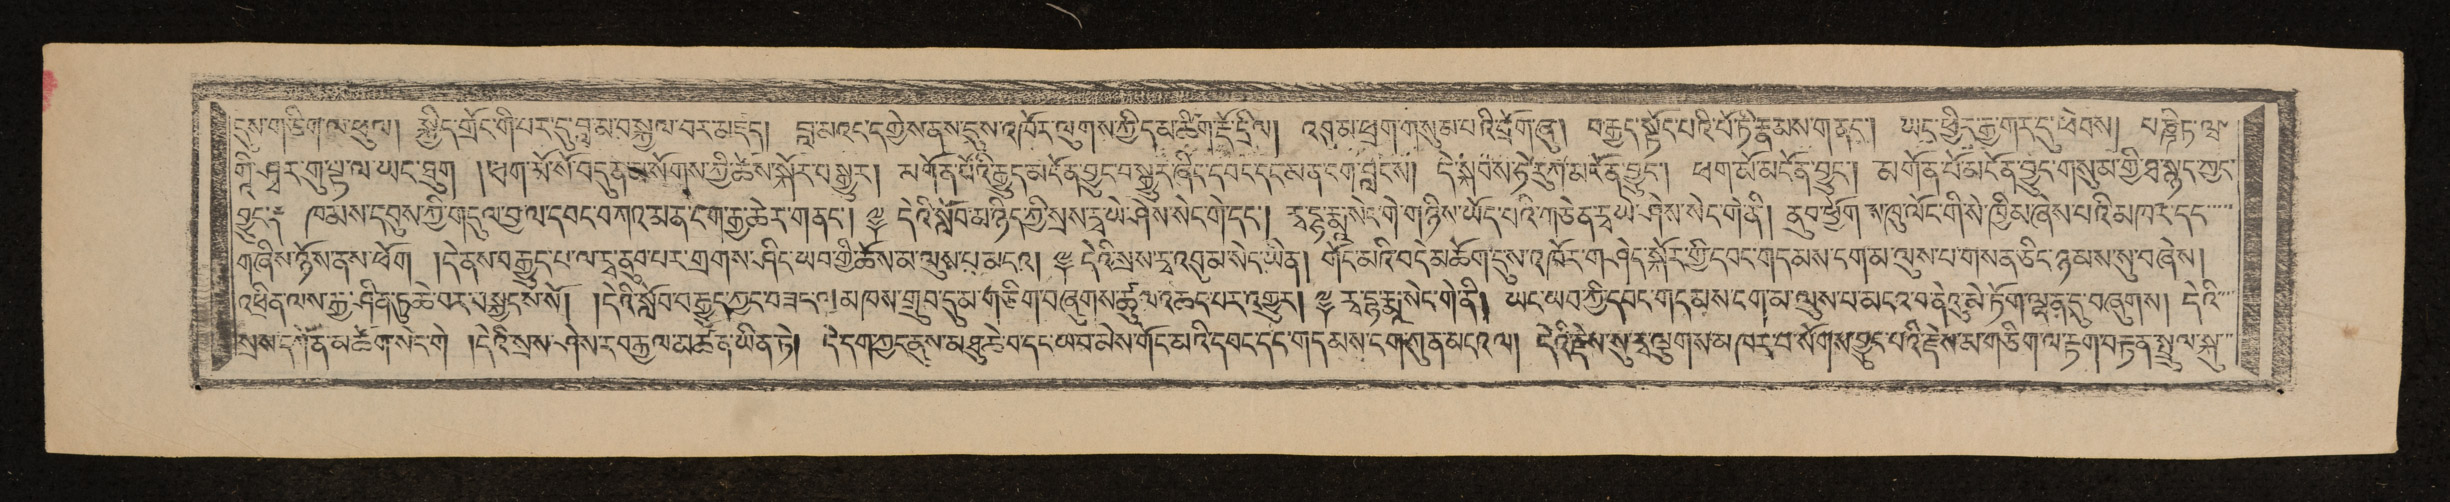དུས་གཅིག་ལ་ཕུལ། སྐྱིད་གྲོང་གི་བར་དུ་བླ་མ་བསྐྱལ་བར་མཛད། བླ་མའང་དགྱེས་ནས་དུས་འཁོར་ལུགས་ཀྱི་དམ་ཚིག་རྡོ་དྲིལ། འབུམ་ཕྲག་གསུམ་པའི་བྲོག་ཞུ། བརྒྱད་སྟོང་བའི་བོ་ཏི་རྣམས་གནང་། ཡང་ཕྱིར་རྒྱ་གར་དུ་ཕེབས། པཎྜི་ཏ་ཝ་
གཱི་ཤྭར་གུ་པྟ་ལ་ཡང་ཐུག །ཕག་མོ་སོ་བདུན་མ་སོགས་ཀྱི་ཆོས་སྐོར་བསྒྱུར། མགོན་པོའི་རྒྱུད་མངོན་བྱུང་བསྒྱུར་ཞིང་དབང་དང་མན་ངག་བླངས། དེ་སྐབས་ཧེ་རུ་ཀ་མངོན་བྱུང་། ཕག་མོ་མངོན་བྱུང་། མགོན་པོ་མངོན་བྱུང་གསུམ་གྱི་ཐ་སྙད་ཀྱང་
བྱུང༑ ཁམས་དབུས་ཀྱི་གདུལ་བྱ་ལ་དབང་བཀའ་མན་ངག་རྒྱ་ཆེར་གནང་། ༈ དེའི་སློབ་མ་ཉིད་ཀྱི་སྲས་རྭ་ཡེ་ཤེས་སེང་གེ་དང་། རྭ་དྷརྨཱ་སེང་གེ་གཉིས་ཡོད་པའི་གཅེན་རྭ་ཡེ་ཤེས་སེང་གེ་ནི། ནུབ་ཕྱོགས་ཁུ་ལོང་གི་སེ་ཁྱིམ་ཞེས་པའི་མཁར་དང་
གཞིས་ཉོས་ནས་ཕོག །དེ་ནས་བརྒྱུད་པ་ལ་རྭ་ནུབ་པར་གྲགས་ཤིང་ཡབ་ཀྱི་ཆོས་མ་ལུས་པ་མངའ། ༈ དེའི་སྲས་རྭ་འབུམ་སེང་ཡིན། གོང་མའི་བདེ་མཆོག་དུས་འཁོར་གཤེད་སྐོར་གྱི་དབང་གདམས་ངག་མ་ལུས་པ་གསན་ཅིང་ཉམས་སུ་བཞེས།
འཕྲིན་ལས་རྒྱ་ཤིན་ཏུ་ཆེ་བར་བསྐྱངས་སོ། །དེའི་སློབ་བརྒྱུད་ཀྱང་བཟང་ལ་མཁས་གྲུབ་དུ་མ་གཅིག་བཞུགས་ཚུལ་འཆང་བར་འགྱུར། ༈ རྭ་དྷརྨཱ་སེང་གེ་ནི། ཡང་ཡབ་ཀྱི་དབང་གདམས་ངག་མ་ལུས་པ་མངའ་བ་ནེའུ་མེ་ཏོག་ལྡན་དུ་བཞུགས། དེའི་
སྲས་དཀོན་མཆོག་སེང་གེ །དེའི་སྲས་ཤེས་རབ་རྒྱལ་མཚན་ཡིན་ཏེ། དེ་དག་ཀྱང་ནུས་མཐུ་ཆེ་བ་དང་ཡབ་མེས་གོང་མའི་དབང་དང་གདམས་ངག་ཀུན་མངའ་ལ། དེའི་རྗེས་སུ་རྭ་ལྕགས་མཁར་བ་སོགས་བྱུང་བའི་རྗེས་མ་གཅིག་ལ་རྟག་བརྟན་སྤྲུལ་སྐུ་